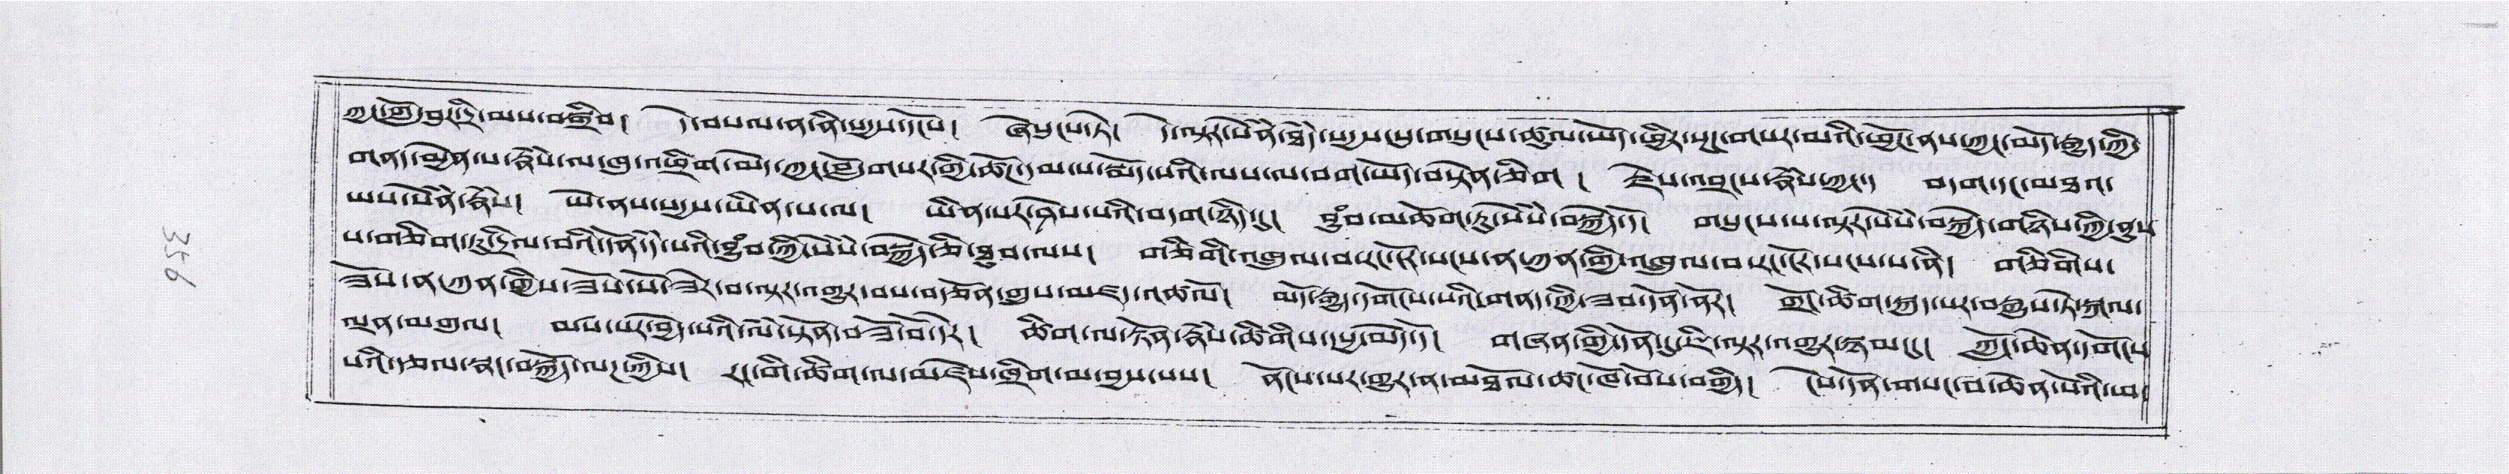ཀྱང་གློང་བུར་དྲི་མས་བསྒྲིབ། དེ་བསལ་ན་ནི་སངས་རྒྱས་དངོས། ཞེས་གསུངས་ཏེ། དེ་ལྟར་སེམས་ཅན་ཐམས་ཅད་སངས་རྒྱས་སུ་གསུངས་ཚུལ་ཡོད་ཕྱིར་སྔགས་གསར་མའི་ཕྱོགས་ནས་ཀྱང་མདོ་རྒྱུད་ཀྱི་
གནད་མཁྱེན་པ་རྣམས་ལ་ཁུ་འཕྲིག་མེད་ཀྱང་བློ་གསར་གྱི་ཚོགས་དམ་པ་སྨོད་པའི་ལས་ལ་བག་ཡོད་བསྟེན་ཅིག རྗེས་འབྲངས་རྣམས་ཀྱང། བདག་དང་མཐའ་
ཡས་སེམས་ཅན་རྣམས། ཡེ་ནས་སངས་རྒྱས་ཡིན་པ་ལ། ཡིན་པར་ཤེས་པའི་བདག་ཉིད་དུ། བྱང་ཆུབ་མཆོག་ཏུ་སེམས་བསྐྱེད་དོ། གསུངས་པ་ལྟར་སེམས་བསྐྱེད་གཉིས་ཀྱི་ནུས་
པ་གཅིག་ཏུ་དྲིལ་བའི་དོན་དམ་པའི་བྱང་ཆུབ་ཀྱི་སེམས་བསྐྱེད་ཅི་ཐུབ་ལས། གཅིག་གི་འཁྲུལ་བ་རང་ངོར་སངས་ན་ཀུན་གྱི་འཁྲུལ་བ་རང་ངོར་སངས་པ་ནི། གཅིག་གིས་
ཟོས་ན་ཀུན་གྱི་ཟོས་སོ་ཟེར་བ་ལྟར་འགྱུར་བས་བརྩོན་གྲུས་མཛད་འཚལ་ལོ། མདོ་རྒྱུད་དགོངས་པའི་གནད་ཀྱི་ཟབ་དོན་ནོར། གྲོང་ཚིག་སྐུད་པར་བརྒྱུས་ཏེ་སྐལ་
ལྡན་མགུལ། མཛེས་པར་བྱེད་པའི་ལམ་སྟོན་བཟོ་བོ་དེར། ཚིག་ལ་རྟེན་རྣམས་ཚིག་གིས་དཔྱ་མེད་དོ། གཞན་གྱི་དོན་དུ་ཇི་ལྟར་འགྱུར་སྙམ་དུ། ཀློང་ཆེན་དགོངས་
པའི་རྩལ་སྣང་བསྐྱོད་ལགས་ཀྱིས། རང་གི་ཚིག་ལ་མཛེས་ཁྲིག་མ་བྱས་པས། ནོངས་པར་གྱུར་ན་མཐོལ་ཚང་ཁོ་བོས་བགྱིད། ངེས་དོན་གསང་བ་ཆེན་པོའི་ཕ་